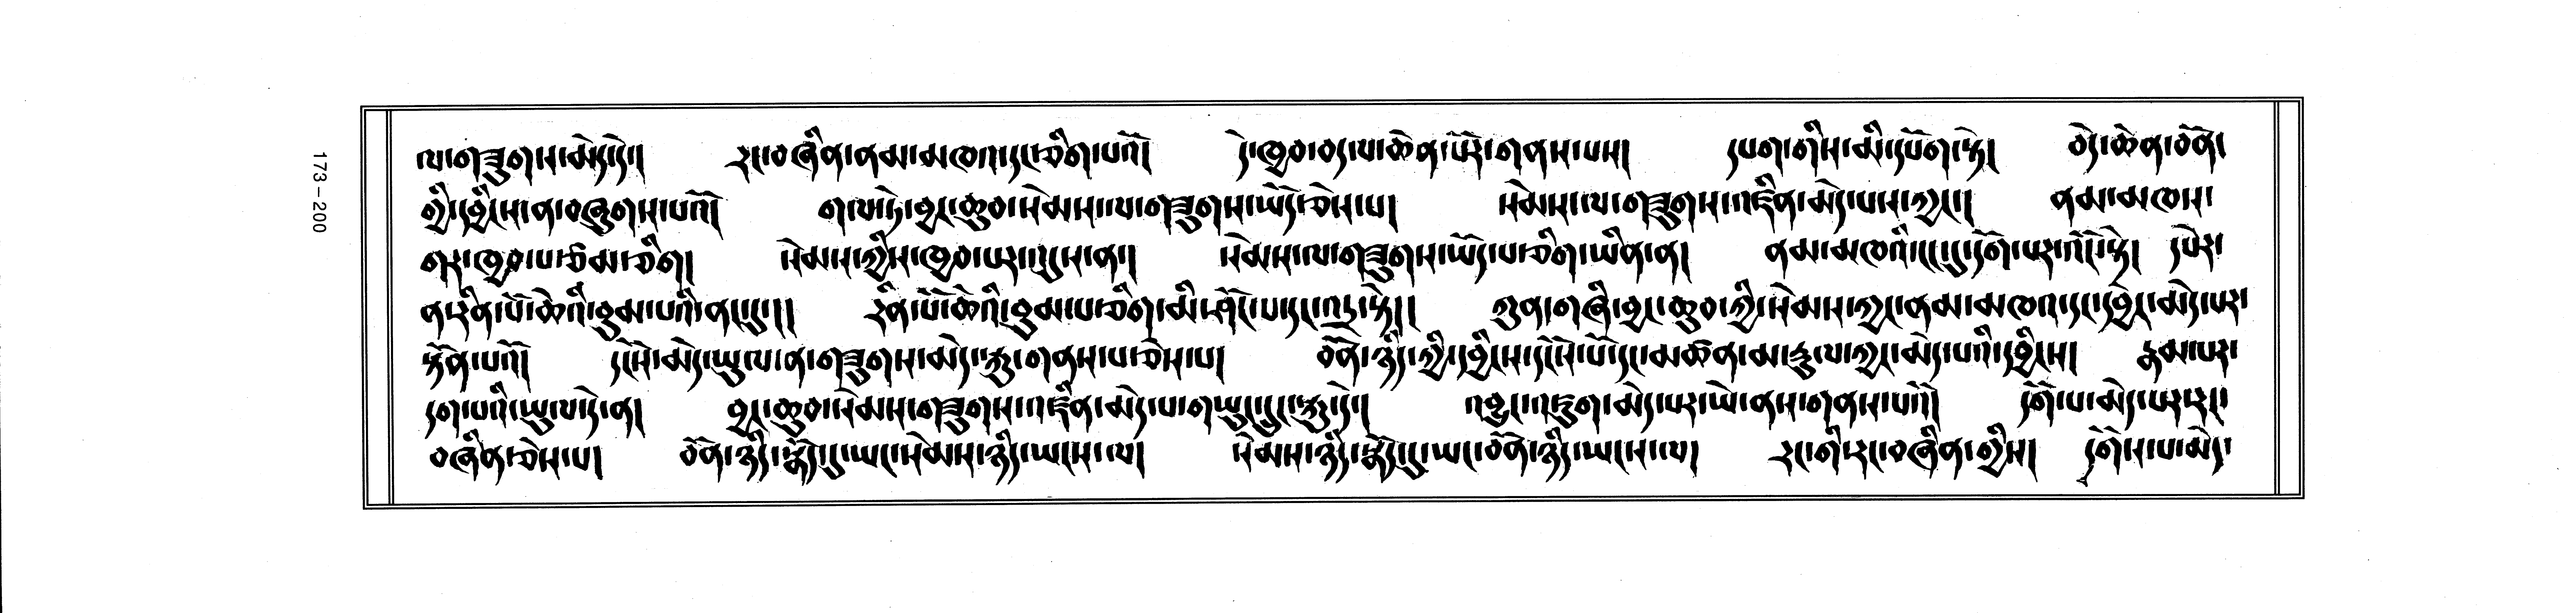ལ་གཟུགས་མེད་དེ། རང་བཞིན་ནམ་མཁའ་དང་གཅིག་པའོ། །དེ་ཁྱབ་བདལ་ཆེན་པོར་གནས་པས། དཔག་གིས་མི་དཔོག་སྟེ། བདེ་ཆེན་བོན་
གྱི་དབྱིངས་ན་བཞུགས་པའོ། གལ་ཏེ་བྱང་ཆུབ་སེམས་ལ་གཟུགས་ཡོད་ཅེས་པ། སེམས་ལ་གཟུགས་འཛིན་མེད་པས་ཀྱང་། ནམ་མཁས་
གར་ཁྱབ་པ་ཙམ་ཅིག སེམས་ཀྱིས་ཁྱབ་པར་འདུས་ན། སེམས་ལ་གཟུགས་ཡོད་པ་ཅིག་ཡིན་ན། ནམ་མཁའི་ངང་དུ་དོག་པར་འོང་སྟེ། དཔེར་
ན་རིན་པོ་ཆེ་བུམ་པའི་ནང་དུ། རིན་པོ་ཆེའི་བུམ་པ་ཞིག་མི་ཤོང་བ་དང་འདྲ་སྟེ། ཀུན་གཞི་བྱང་ཆུབ་ཀྱི་སེམས་ཀྱང་ནམ་མཁའ་དང་དབྱེར་མེད་པར་
སྟོན་པའོ། །དངོས་མེད་ཡུལ་ན་གཟུགས་མེད་སྐུ་གནས་པ་ཅེས་པ། བོན་ཉིད་ཀྱི་དབྱིངས་དངོས་པོ་དང་མཚན་མ་རྡུལ་ཀྱང་མེད་པའི་དབྱིངས། རྣམ་པར་
དག་པའི་ཡུལ་དེ་ན། བྱང་ཆུབ་སེམས་གཟུགས་འཛིན་མེད་པ་གཡུང་དྲུང་གི་སྐུ་དེ། འབྱུང་འཇུག་མེད་པར་ཡེ་ནས་གནས་པའོ། །དོག་པ་མེད་པར་རང་
བཞིན་ཅེས་པ། བོན་ཉིད་སྣོད་དུ་ཡངས་སེམས་ཉིད་ཡངས་ལ། སེམས་ཉིད་སྣོད་དུ་ཡངས་བོན་ཉིད་ཡངས་ལ། རང་གི་རང་བཞིན་གྱིས། དོག་པ་མེད་